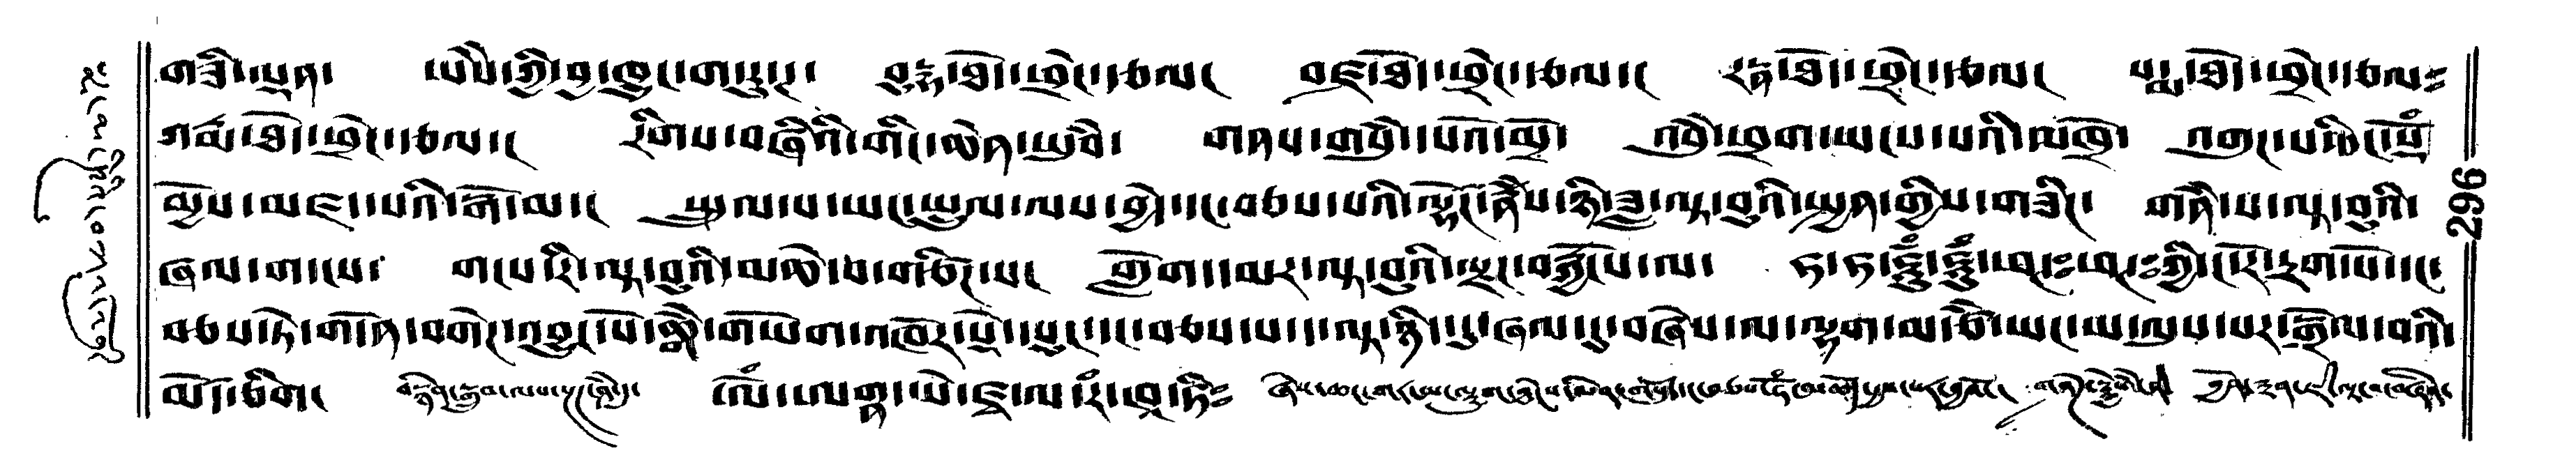གཟི་ལྡན། ཡེ་ཤེས་ཀྱི་བྱ་ཁྱུང་ག་རུ་ཊ། བུདྷ་ཐོད་ཕྲེང་རྩལ། བཛྲ་ཐོད་ཕྲེང་རྩལ། རདྣ་ཐོད་ཕྲེང་རྩལ། པདྨ་ཐོད་ཕྲེང་རྩལ། ཀརྨ་ཐོད་ཕྲེང་རྩལ། 
རིགས་བཞིའི་གིང་ཆེན་ཡབ་ཡུམ། གནས་གསུམ་དཔའ་བོ་མཁའ་འགྲོ འབུམ་ཕྲག་ཡངས་པའི་མཁའ་འགྲོ འགུགས་འཆིང་སྡོམ་
མྱོས་མཛད་པའི་སྒོ་མ། སྤྲུལ་པ་ཡང་སྤྲུལ་ལས་བྱེད་དང་བཅས་པའི་ལྷ་ཚོགས་རྣམས་ཉི་ཟླ་ལྟ་བུའི་སྤྱན་གྱིས་གཟིགས། གནམ་ས་ལྟ་བུའི་
ཞལ་གདངས། གངས་རི་ལྟ་བུའི་མཆེ་བ་གཙིགས། གློག་དམར་ལྟ་བུའི་ལྗགས་བརྐྱོངས་ལ།ཧ་ཧ་ཧཱུྃ་ཧཱུྃ་ཕཊཿཕཊཿཀྱི་ང་རོ་དྲག་པོ་དང་
བཅས་ཏེ་གདོན་བགེགས་འབྱུང་པོ་ཆེ་གེ་གཡོག་འཁོར་སྡེ་དཔུང་དང་བཅས་པ་ད་ལྟ་ཉིད་དུ་ཞལ་དུ་བཞེས་ལ་ལྷག་མ་ཙམ་ཡང་མ་ལུས་པར་སྒྲོལ་བའི་
ལས་མཛོད་ཅིག བསྙེན་སྒྲུབ་ལས་སྔགས་ཤམ་དུ། ཨོཾ་ཨགྣ་ཡེ་ཛྭ་ལ་རཾ་ཁཱ་ཧིཿ ཞེས་ཆང་གར་མ་ལྷུག་ཐེངས་ལེན་གསུམ་དང་བཅས་ཧོམ་མཆོད་རྒྱས་པར་བྱའོ། གཤེགས་སྐྱེམས་ནི། བྱོན་ཟན་ཇི་ལྟ་བ་བཞིན་